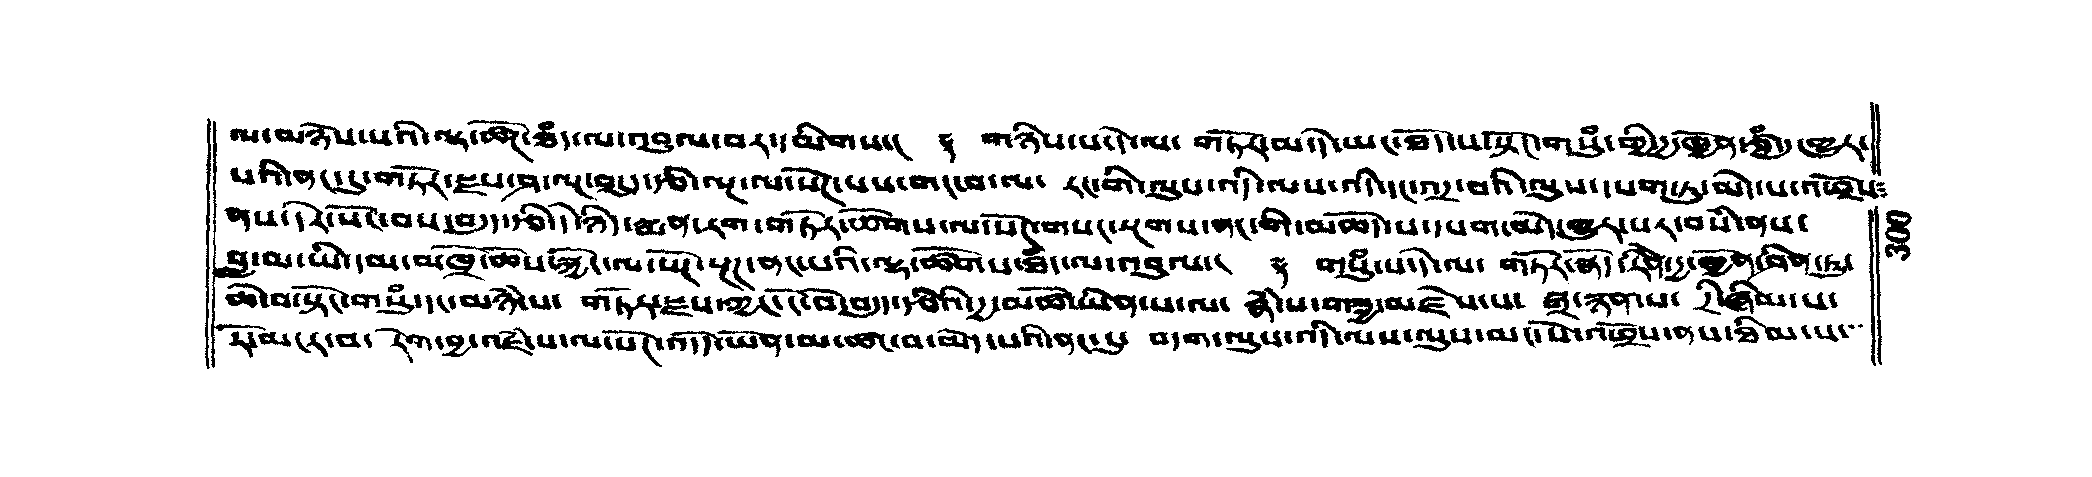ལ་མཉེས་པའི་ལྷ་ཚོགས་ཐམས་ཅད་ལ་འབུལ་བར་དམིགས། ༈ གཉིས་པ་དེ་ལ། གཏོར་མ་དེ་ཡང་ཐོད་པ་སྟོང་གསུམ་གྱི་ཁྱོན་ཙམ་དུ་གྱུར་
པའི་ནང་དུ་གཏོར་རྫས་ཤ་ལྔ་བདུད་རྩི་ལྔ་ལ་སོགས་པས་གང་བ་ལ། རང་གི་ལུས་འདི་ལས་འདི་དང་འདྲ་བའི་ལུས་དཔག་ཏུ་མེད་པ་འཕྲོས་
ནས་དེར་སོང་བས་བདུད་རྩི་དེ་ཉིད་སྨན་རག་གཏོར་ཚོགས་ལ་སོགས་སོགས་གསང་སྔགས་ནང་གི་མཆོད་པ་དཔག་མེད་གྱུར་པར་བསམ་ནས་
བླ་མ་ཡི་དམ་མཁའ་འགྲོ་ཆོས་སྐྱོང་ལ་སོགས་སྔགས་ནང་པའི་ལྷ་ཚོགས་ཐམསཅད་ལ་འབུལ། ༈ གསུམ་པ་དེ་ལ་གཏོར་སྣོད་རིན་ཆེན་རྒྱ་ཁྱོན་ཤིན་ཏུ་
ཆེ་བ་སྟོང་གསུམ་དང་མཉམ་པ། གཏོར་རྫས་ཀྱང་ངོ་བོ་བདུད་རྩིའི་རྒྱ་མཚོ་ཡིན་པ་ལ། རྣམ་པ་གཟུགས་མཛེས་པ། སྒྲ་སྙན་པ། དྲི་ཞིམ་པ། 
རོ་མངར་བ། རེག་བྱ་འཇམ་པ་ལ་སོགས་འདོད་ཡོན་མ་ཚང་བ་མེད་པའི་ནང་དུ། བདག་ལུས་འདི་ལས་ལུས་མང་པོ་འཕྲོས་ནས་ཐིམ་པ་